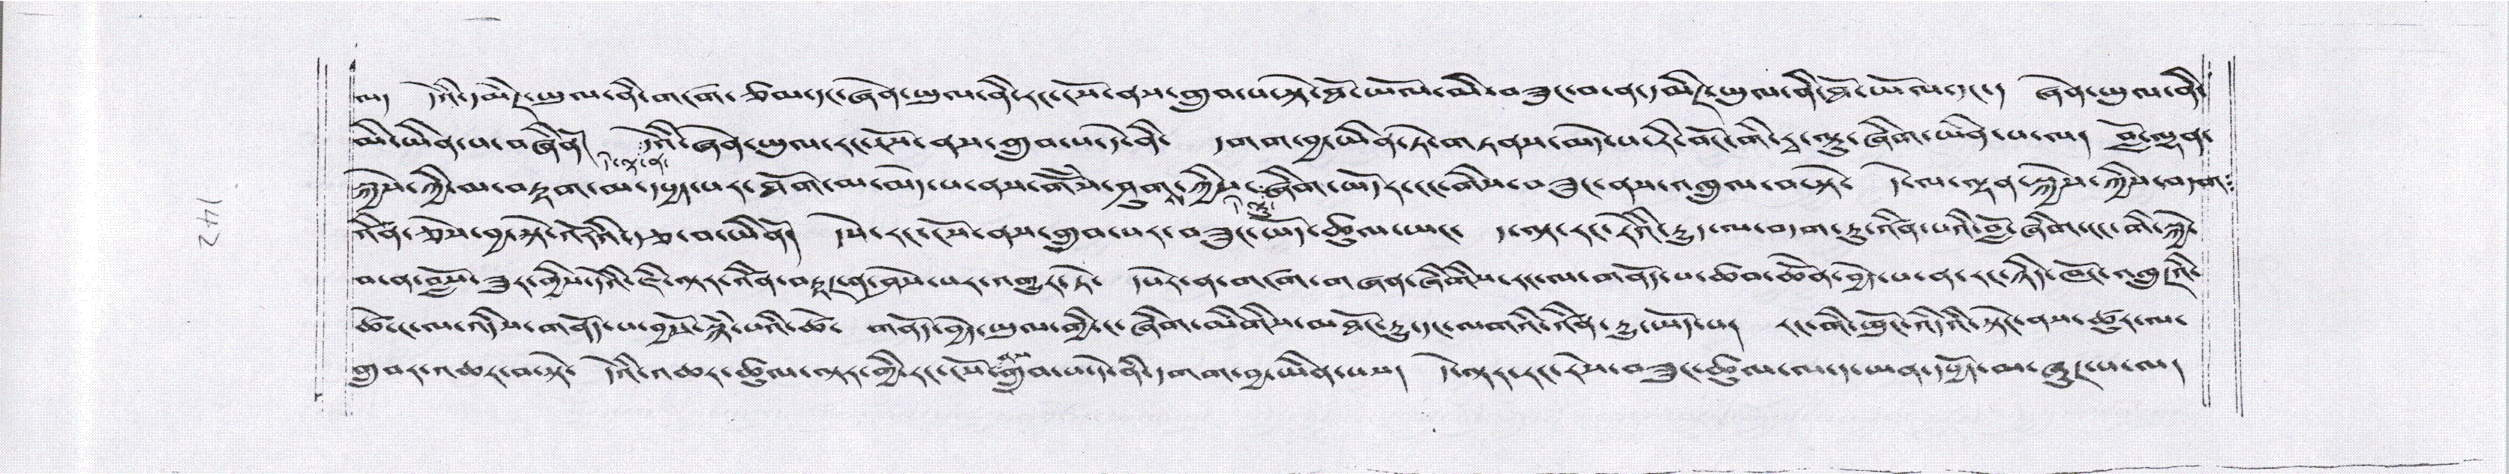ལ། དེའི་དམིགས་ཡུལ་ནི་གང་ཟག་ཙམ་དང་ཞེན་ཡུལ་ནི་རང་ངོས་ནས་གྲུབ་པ་སྟེ་ཐོ་ཡོལ་མི་བཟུང་བ་ན་དམིགས་ཡུལ་ནི་ཐོ་ཡོར་དང་། ཞེན་ཡུལ་ནི་
མི་ཡིན་པ་བཞིན་ནོ། དེ་ལྟ་ན་དེའི་ཞེན་ཡུལ་ནི་རང་ངོས་ནས་གྲུབ་པ་དེ་ནི། དགག་བྱ་ཡིན་ཏེ། གཏན་ནས་མེད་པ་རི་བོང་གི་རྭ་ལྟ་བུ་ཞིག་ཡིན་པ་ལ། བློ་ལྷན་
སྐྱེས་ཀྱིས་མ་བརྟགས་མ་དཔྱད་པར་ཐོག་མ་མེད་པ་ནས་གོམས་ཤུགས་ཀྱིས་དེ་ལྟ་བུ་ཞིག་ཡོད་པར་ངང་གིས་བཟུང་ནས་འཁྲུལ་པ་སྟེ། དེ་ལ་ལྷན་སྐྱེས་ཀྱི་བདག་
འཛིན་ཅེས་བྱ་སྟེ་འཁོར་བའི་རྩ་བ་ཡིན་ནོ། དེས་རང་ངོས་ནས་གྲུབ་པར་བཟུང་ཡོད་ཚུལ་ཡང་། ད་ལྟ་རང་རེའི་རྒྱུད་ལ་བདག་ཏུ་འཛིན་པའི་བློ་ཞིག་ངང་གིས་སྐྱེ་
བ་ན་བློས་ཟུར་གྱིས་དེས་ཇི་ལྟར་འཛིན་བརྟགས་ན་ཤེས་པར་འགྱུར་ཏེ། དཔེར་ན་གང་ཟག་གཞན་ཞིག་གིས་རང་ལ་གནོད་པ་ཚབས་ཆེན་བྱེད་པ་ན་རང་ཉིད་ཁོང་འཁྲུགས་པའི་
ཚེ་ང་ལ་དེའི་གནོད་པ་བྱའོ་སྙམ་པའི་ཚེ། གནོད་བྱེད་ཡུལ་གྱི་ང་ཞིག་མིག་གིས་མཐོང་རྒྱུ་དང་ལག་གིས་འཛིན་རྒྱུ་ཡོད་པ། རང་གི་ཕུང་པོ་འདིའི་སྟེང་ནས་ཚུར་ལ་
གྲུབ་པར་འཆར་བ་སྟེ། དེའི་འཆར་ཚུལ་ལྟར་གྱི་རང་ངོས་ནས་གྲུབ་པ་དེ་ནི་དགག་བྱ་ཡིན་པས། དེ་ལྟར་རང་རེས་བཟུང་ཚུལ་ལ་ད་ཡན་དཔྱོད་མ་ཞུགས་པ་ལ།